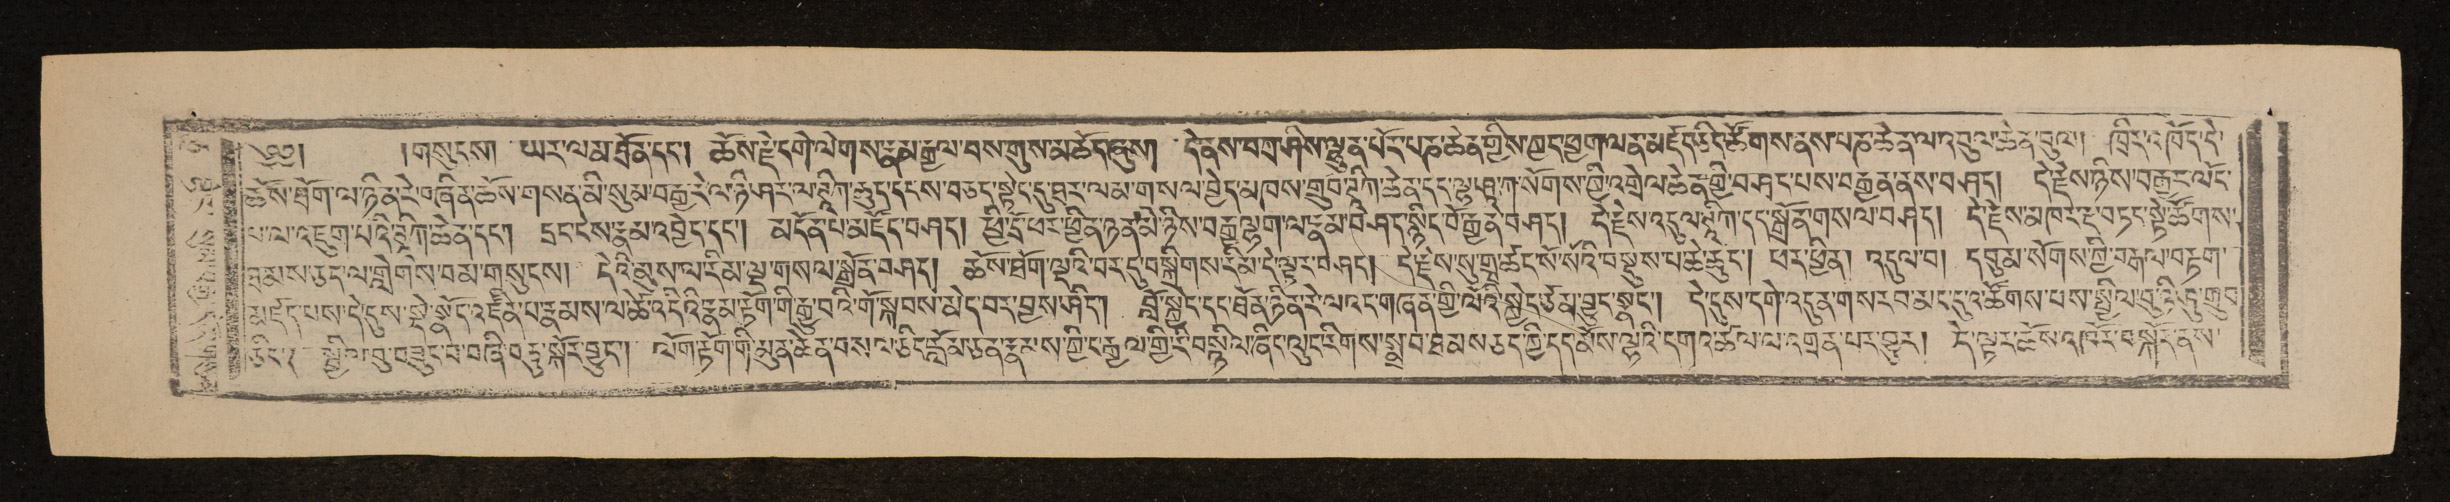༄༅། །གསུངས། ཡར་ལམ་ཐོན་དང་། ཆོས་རྗེ་དགེ་ལེགས་རྣམ་རྒྱལ་བས་གུས་མཆོད་ཞུས། དེ་ནས་བཀྲ་ཤིས་ལྷུན་པོར་པཎ་ཆེན་གྱིས་ཀྱང་ཕྱག་ལན་མཛད་ཅིང་ཚོགས་ནས་པཎ་ཆེན་ལ་འབུལ་ཆེན་ཕུལ། ཁྲིར་འཁོད་དེ་
ཆོས་ཐོག་ལ་ཉིན་རེ་བཞིན་ཆོས་གསན་མི་སུམ་བརྒྱ་རེ་ལ་ཉི་ཤར་ལ་ཊཱིཀ་ཆུང་དང་ས་བཅད་སྟེང་དུ་ཐར་ལམ་གསལ་བྱེད་མཁས་གྲུབ་ཊཱིཀ་ཆེན་དང་ལྷ་ཤཱཀ་སོགས་ཀྱི་འགྲེལ་ཆེན་གྱི་བཤད་པས་བརྒྱན་ནས་བཤད། དེ་རྗེས་ཉིས་བརྒྱར་ལོང་
པ་ལ་འཇུག་པའི་ཊཱིཀ་ཆེན་དང་། དྲང་ངེས་རྣམ་འབྱེད་དང་། མངོན་པ་མཛོད་བཤད། ཕྱི་དྲོ་ཕར་ཕྱིན་ཉན་མི་ཉིས་བརྒྱ་ལྷག་ལ་རྣམ་བཤད་སྙིང་པོ་རྒྱན་བཤད། དེ་རྗེས་འདུལ་ཊཱིཀ་དང་སྒྲོན་གསལ་བཤད། དེ་རྗེས་མཁར་རྡ་བཏང་སྟེ་ཚོགས་
ཐམས་ཅད་ལ་གླེགས་བམ་གསུངས། དེའི་མུས་ལ་རིམ་ལྔ་གསལ་སྒྲོན་བཤད། ཆོས་ཐོག་ལྔའི་བར་དུ་བསྒྲིགས་རིམ་དེ་ལྟར་བཤད། དེ་རྗེས་སུ་གྲྭ་ཚང་སོ་སོའི་བསྡུས་པ་ཆེ་ཆུང་། ཕར་ཕྱིན། འདུལ་བ། དབུ་མ་སོགས་ཀྱི་བརྒལ་བརྟག་
མཛད་པས་དེ་དུས་སྡེ་སྣོད་འཛིན་པ་རྣམས་ལ་ཚེ་འདིའི་རྣམ་རྟོག་གི་རྒྱུ་བའི་གོ་སྐབས་མེད་པར་བྱས་ཤིང་། བློ་སྐྱེད་དང་ཐོན་ཉིན་རེ་ལའང་གཞན་གྱི་ལོའི་སྐྱེད་ཙམ་བྱུང་སྣང་། དེ་དུས་དགེ་འདུན་གསར་བ་མང་དུ་འཚོགས་པས་སྤྱིལ་བུ་ཉི་ཤུ་གྲུབ་
ཅིང༑ སྤྱིལ་བུ་བཟུང་པ་བཞི་བཅུ་སྐོར་བྱུང་། ལོག་རྟོག་གི་མུན་ཆེན་བསལ་ཅིང་རློམ་ཅན་རྣམས་ཀྱི་ང་རྒྱལ་གྱི་རི་བསྙིལ་ཞིང་ལུང་རིགས་སྨྲ་བ་ཐམས་ཅད་ཀྱི་དད་མོས་ལྷའི་དགའ་ཚལ་ལ་འགྲན་པར་གྱུར། དེ་ལྟར་ཆོས་འཁོར་བསྐོར་ནས་